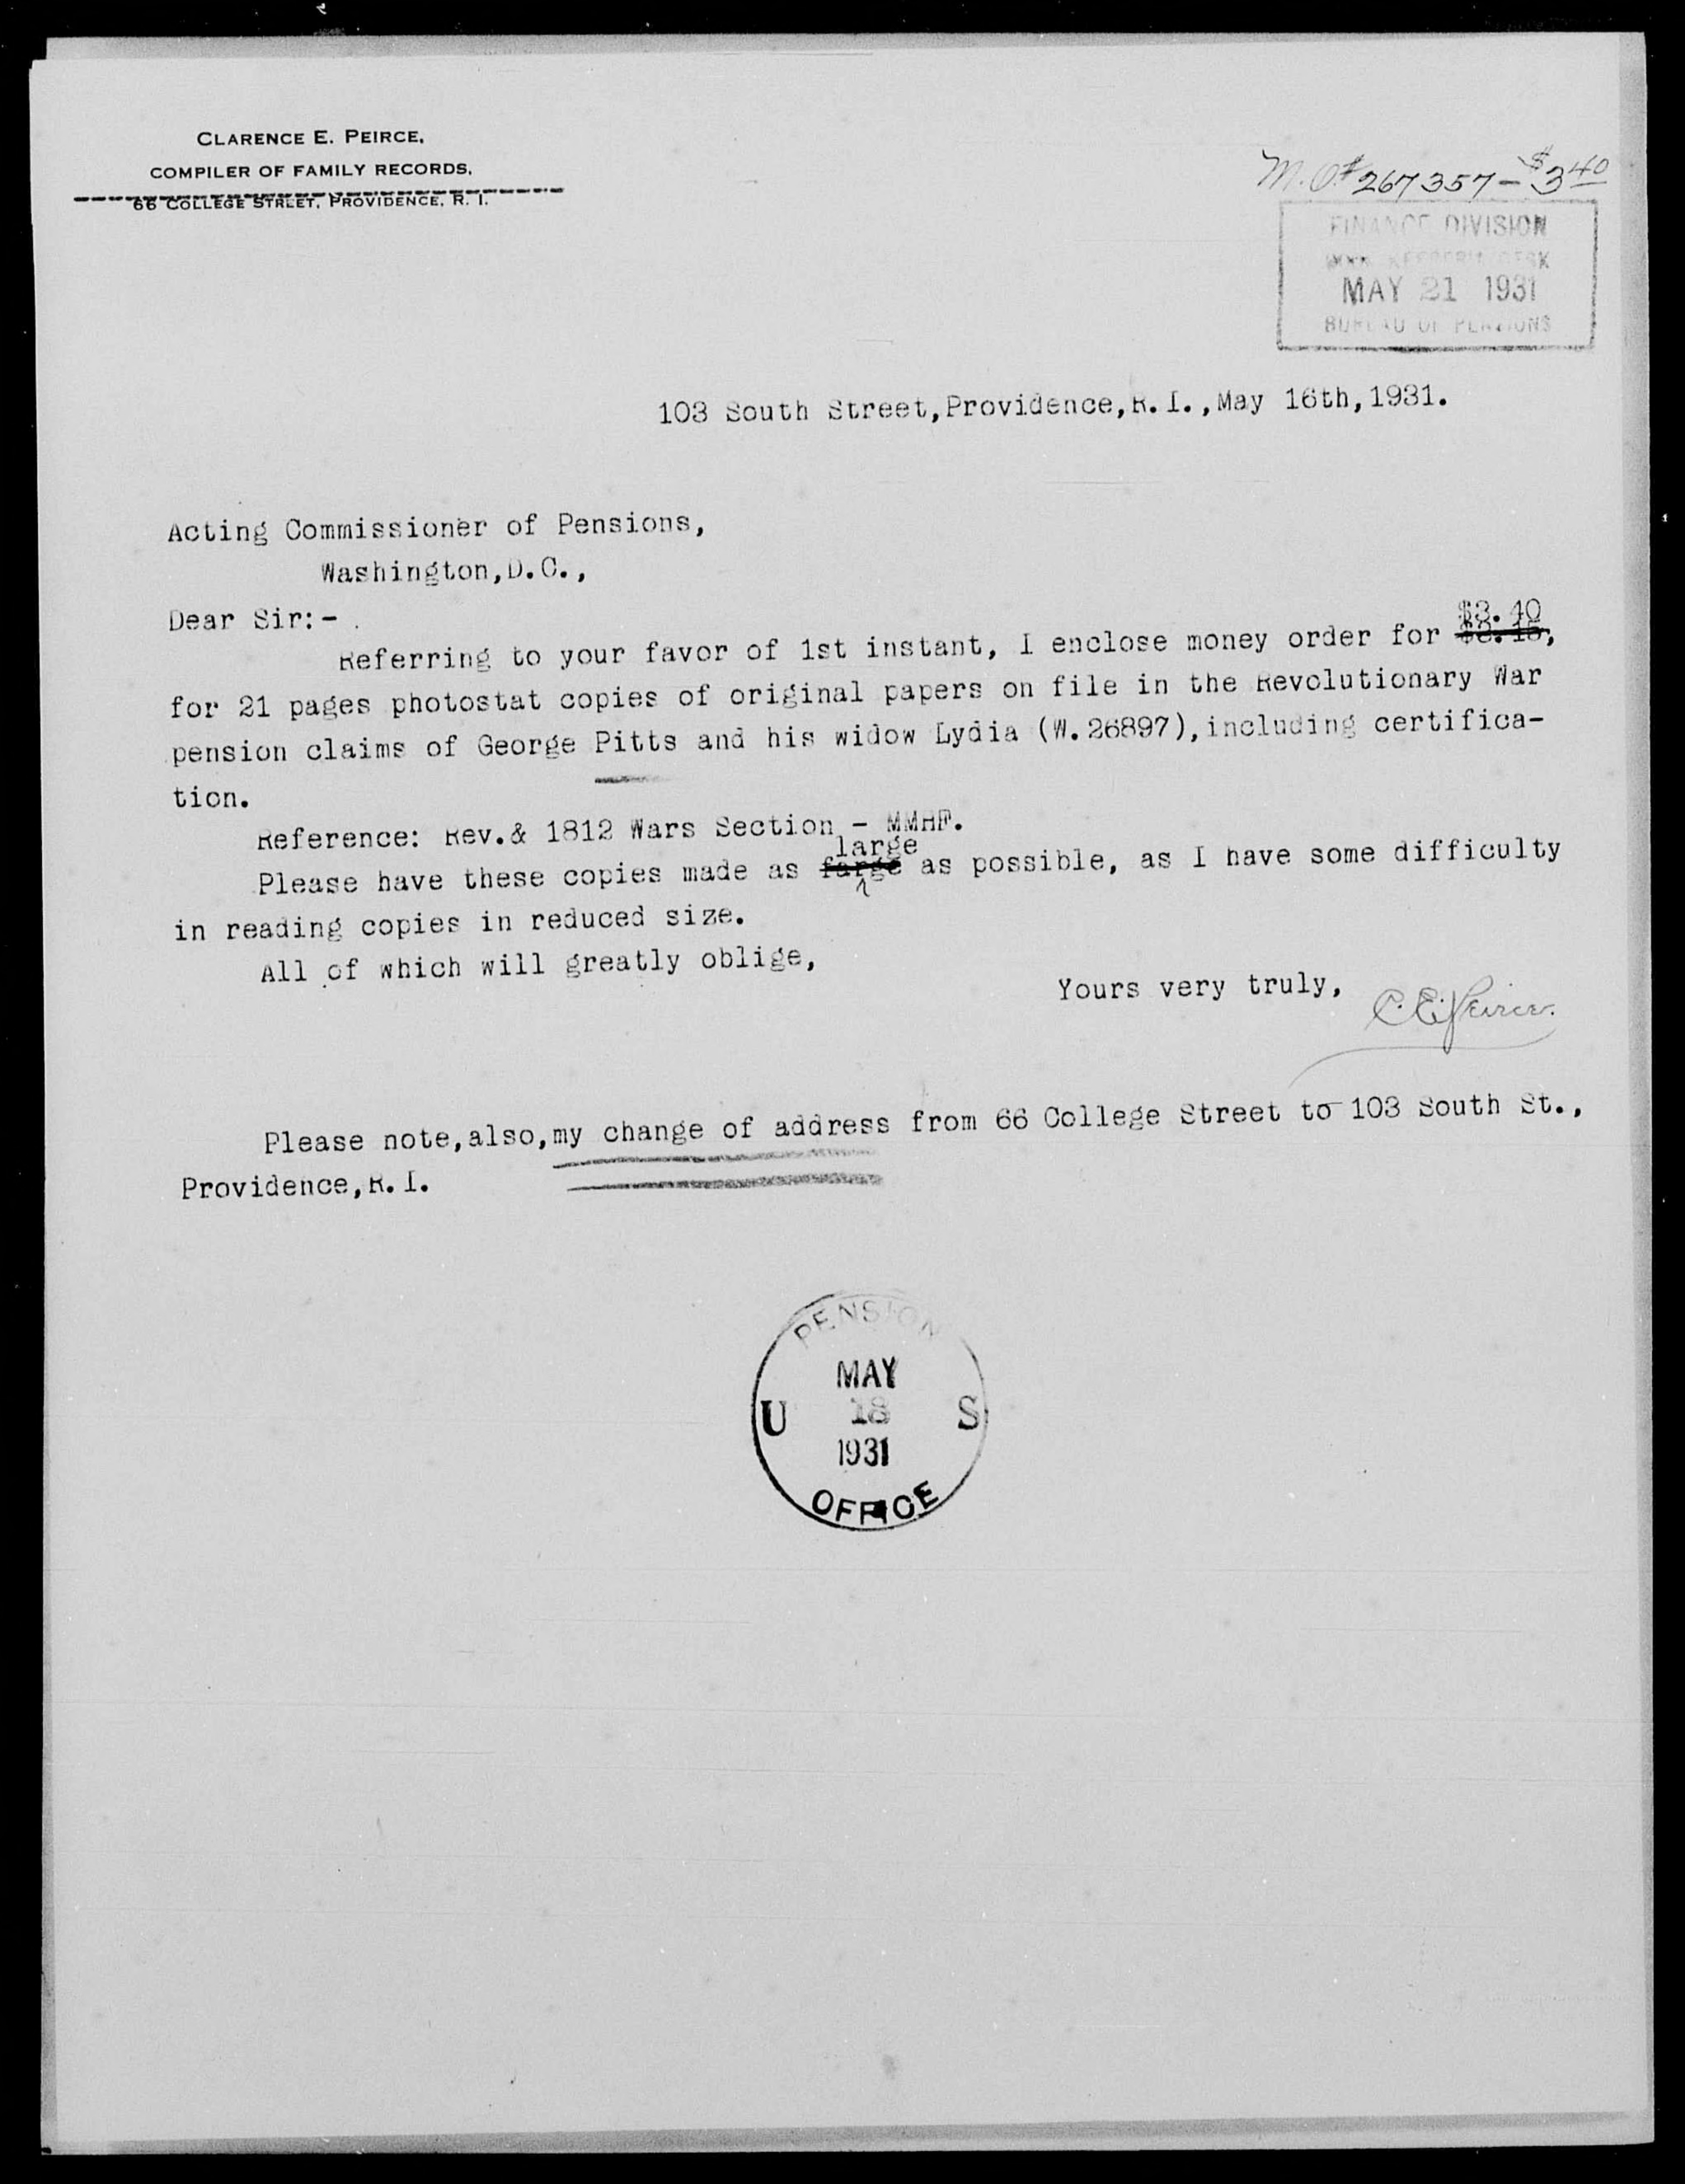CLARENCE E. PEIRCE.
COMPILER OF FAMILY RECORDS
66 COLLEGE STREET, PROVIDENCE, R.I. 
[right side of page is receipt stamp]
M.O.#267357-#3.40
Finance Division
[illegible]
MAY  21 1931
BUREAU OF PENSIONS
103 South Street, Providence, R. I., May 16th, 1931.
Acting Commissioner of Pensions,
Washington, D. C.,
Dear Sir: -
Referring to your favor of 1st instant, I enclose money order for $3.40
for 21 pages photostat copies of original papers on file in the Revolutionary War
pension claims of George Pitts and his widow Lydia (W. 26897), including certification.
Reference: Rev. & 1812 Wars Section MMHF.
Please have these copies made as large as possible, as I have some difficulty in reading copies in reduced size.
All of which will greatly oblige,
Yours very truly, C.E. Peirce
Please note, also, my change of address from 66 College Street to 103 South St.,
Providence, R. I.

[Receipt stamp]
US Pension Office
MAY
18
1931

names: George Pitts; Clarence E Peirce; Lydia Pitts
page: 41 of 54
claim: widow's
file: W. 26,897, for George Pitts, Massachusetts